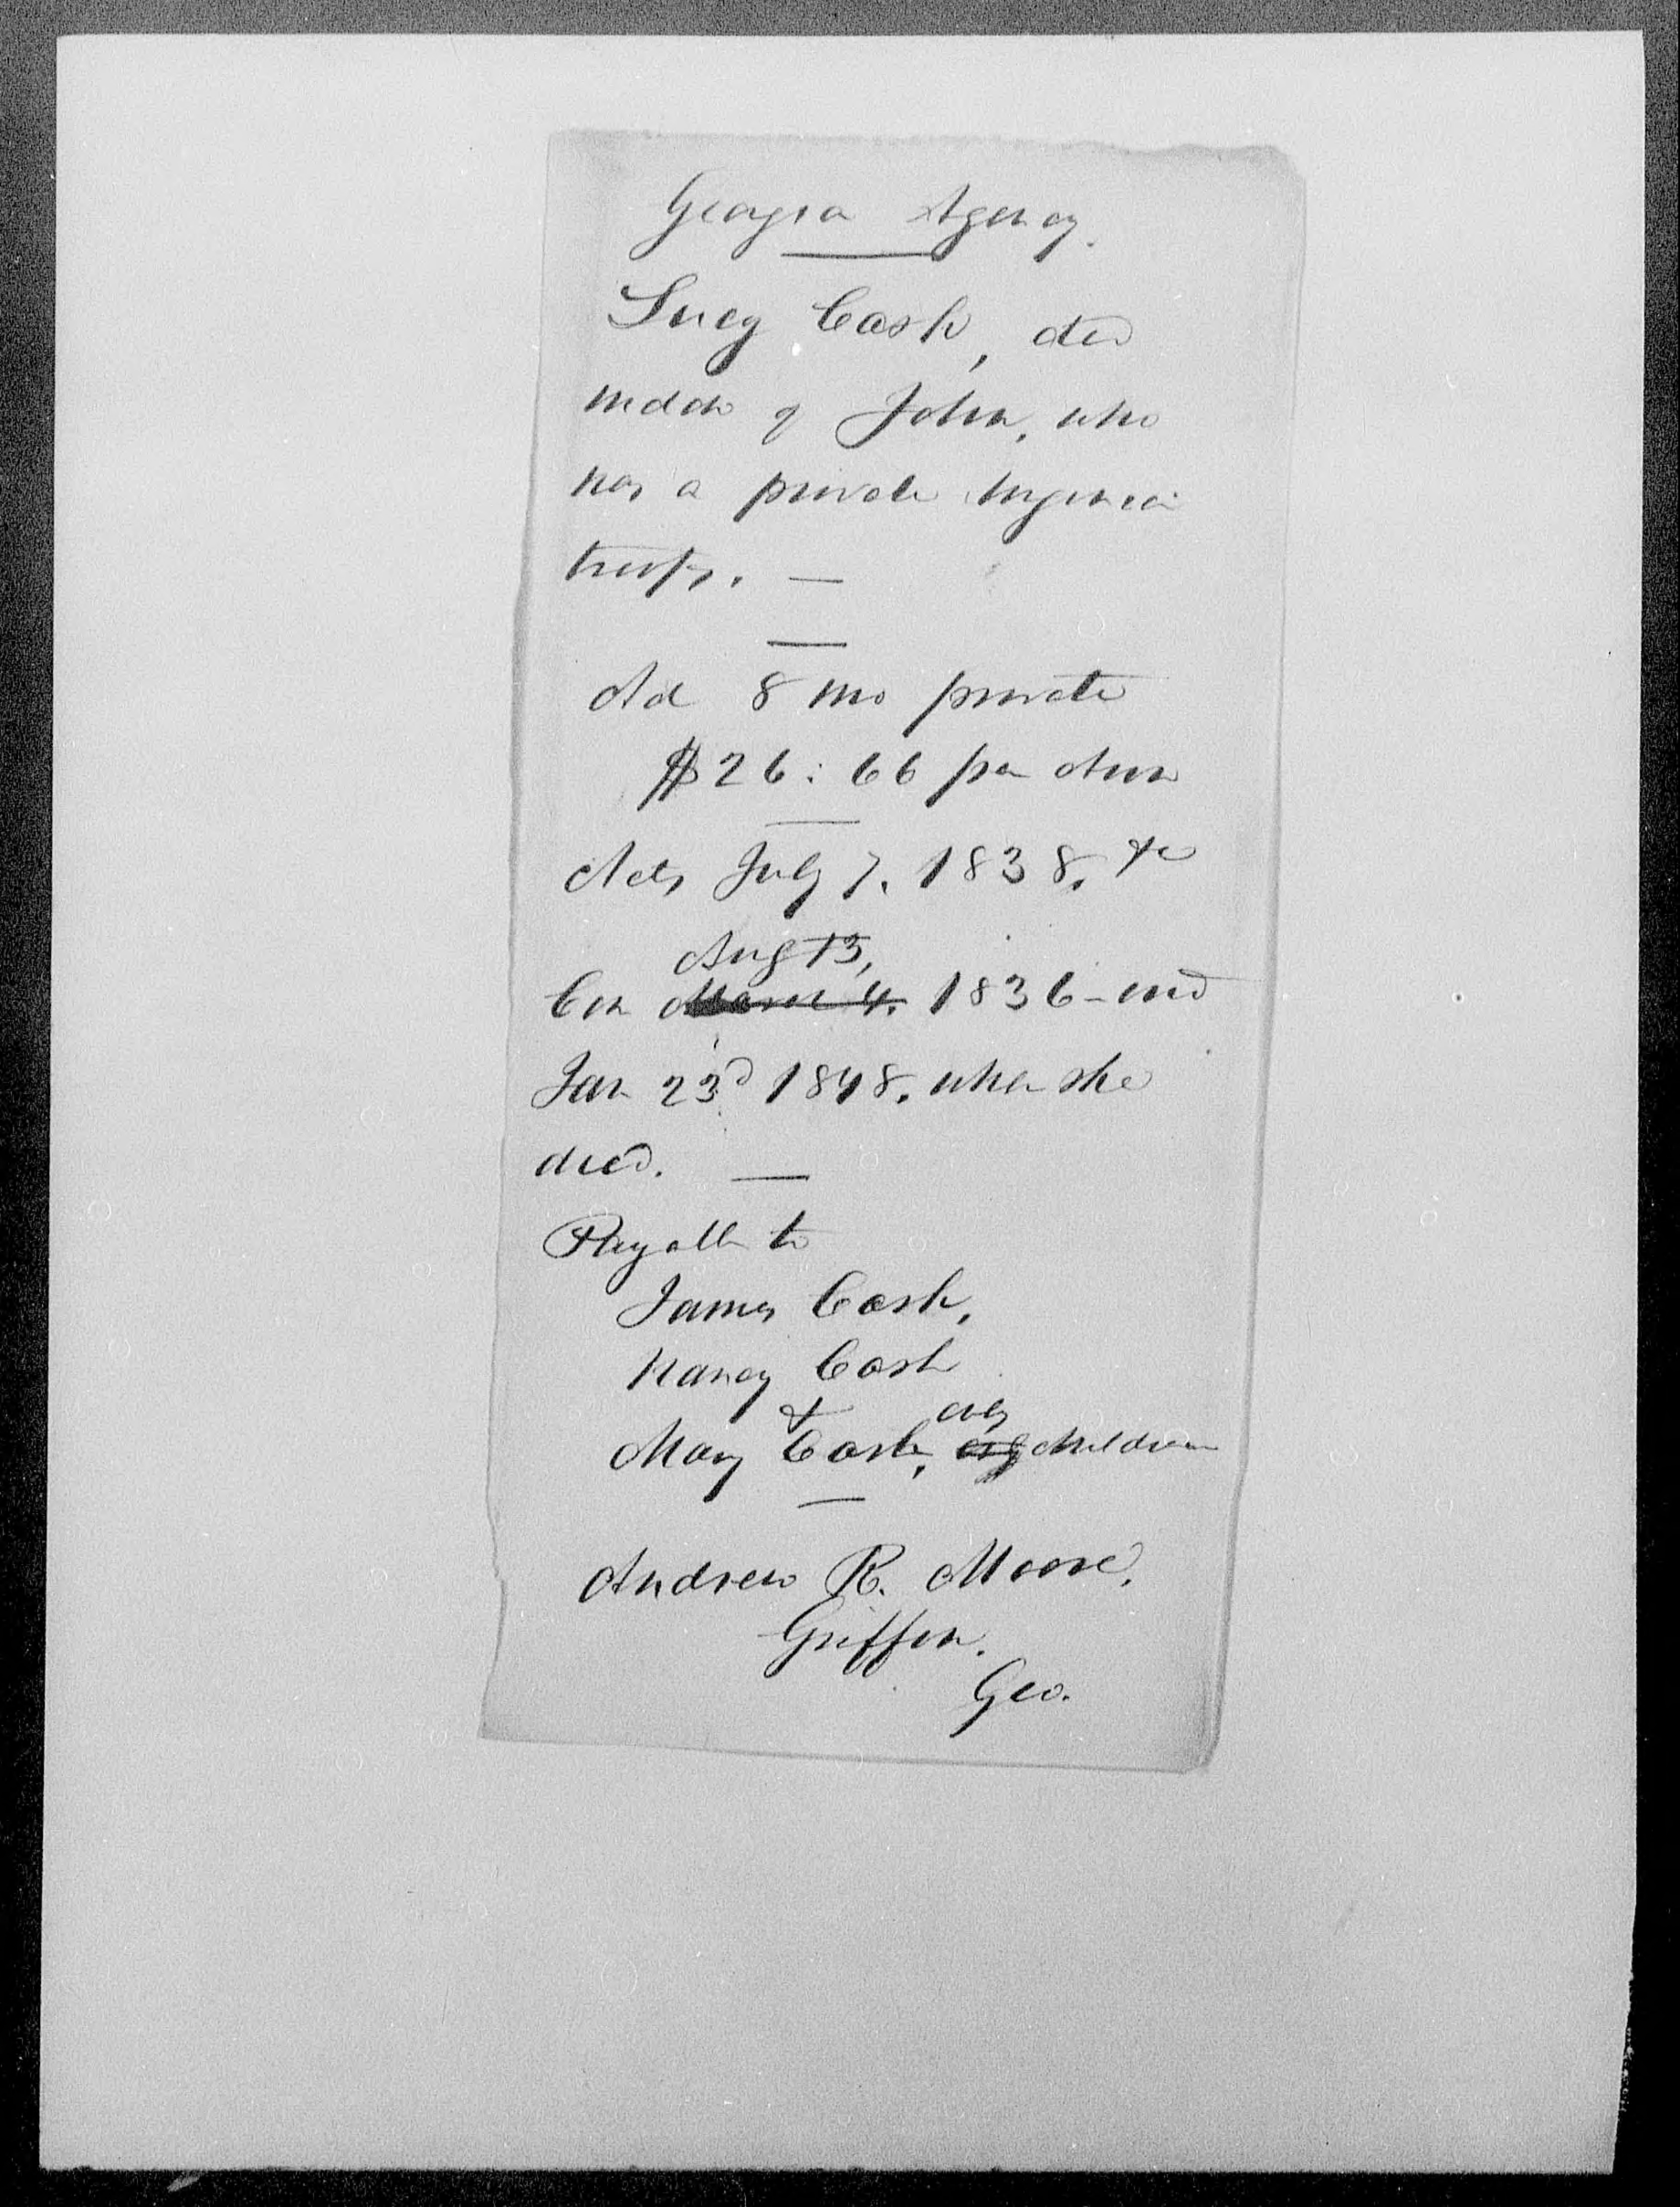Georgia Agency
Lucy Cash, died
widow of John who
was a private ____  ___
Ad 8 mo private
$26.66 per Annum
Act July 7. 1838.
Aug 13 1836, and
Jan 23d 1848, when the
died
---
Payath to
James Cash
Nancy Cash
Mary Cash, children

Andrew R. Moore
Griffin,
Geo.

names: Mary Cash, Andrew R Moore, James Cash, Lucy Cash, Nancy Cash, John Cash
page: 28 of 73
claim: widow's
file: W. 5,894, John Cash, Va.